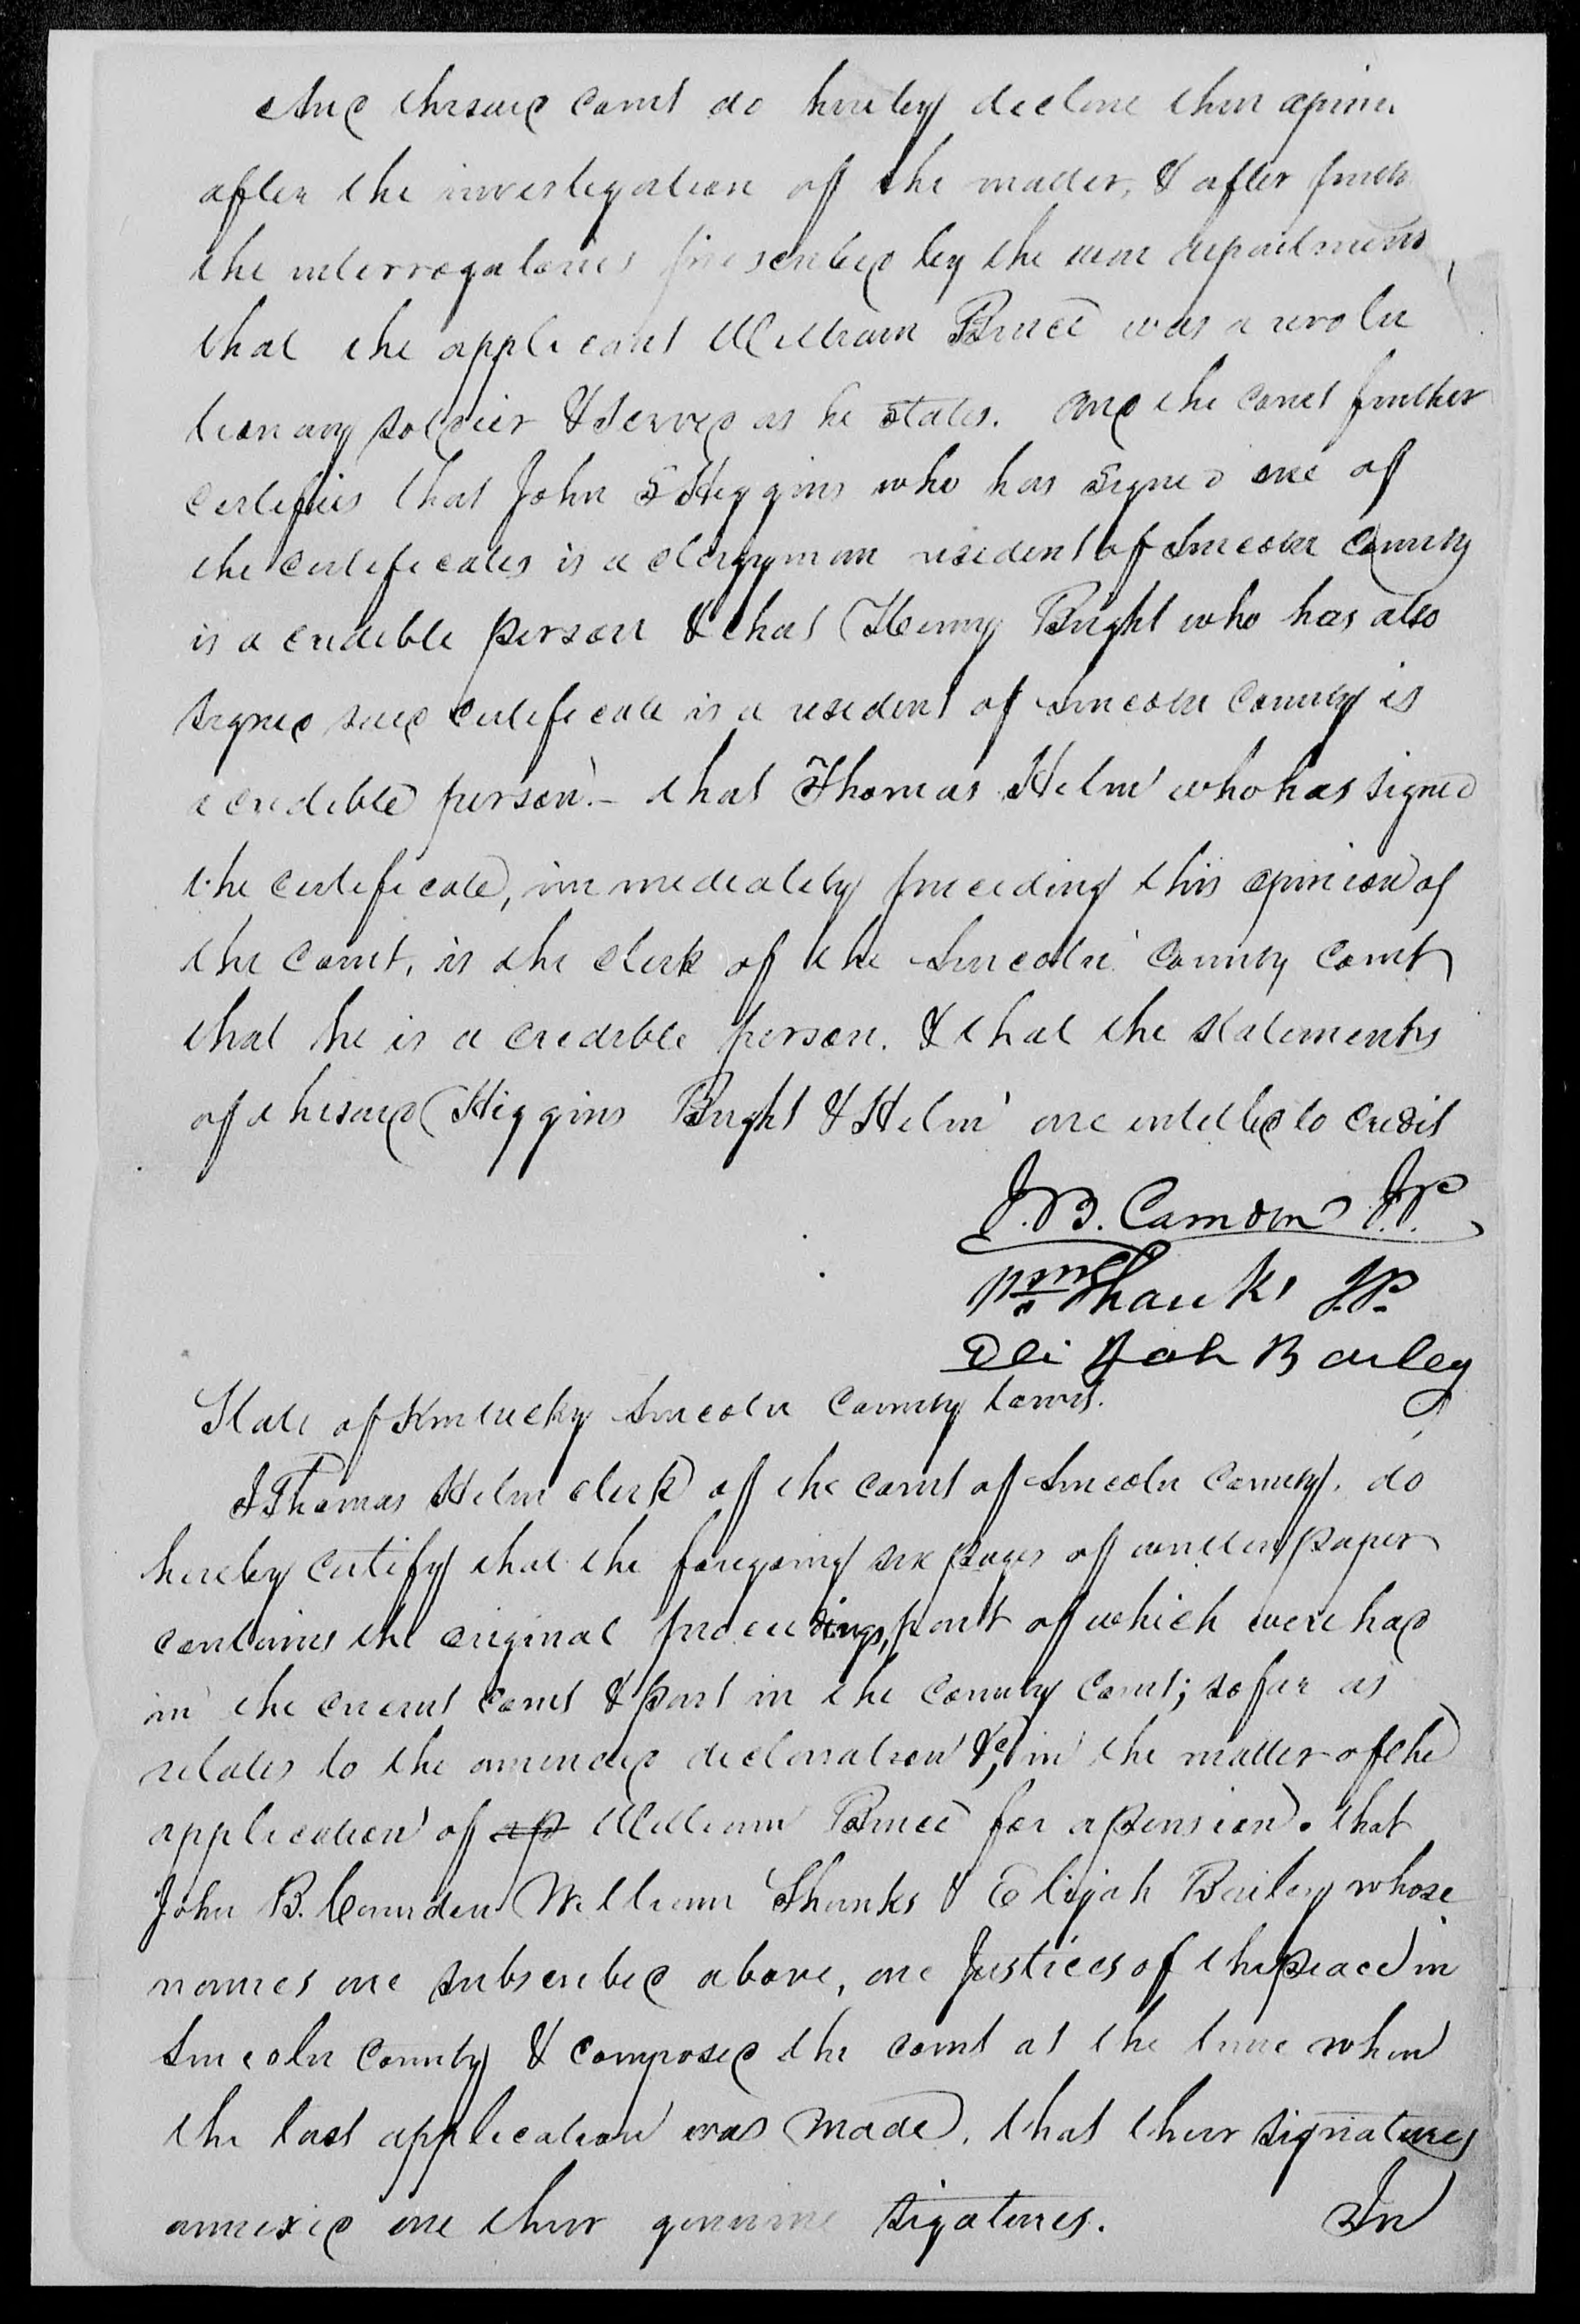And the Court do hereby declare there opinion after the investigation of the matter, & after putting the interrogatories prescribed by the war department that the applicant William Bruce was a revolutionary soldier & served as he states. and the court further certifies that John S Higgins who has signed one of the certificates is a Clergyman resident of Lincoln County is a credible person & that Henry Bright who has also Signed said certificate is a resident of Lincoln County is a credible person; -that Thomas Helm who has signed the certificate, immediately preceding & his opinion of the court, is the Clerk of the Lincoln County Court that he is a credible person. & that the statements of [Illegible] Higgins, Bright & Helm are entitled to credit.
J.B. Camden JP
Wm Shanks JP
Elijah Bailey

State of Kentucky Lincoln County Towit
I Thomas Helm Clerk of the Court of Lincoln County, do hereby certify that the foregoing six pages of written paper contains the original proceedings, part of which were held in the Circuit Court & part in the County Court; so far as relates to the amended declaration & in the matter of the application of William Bruce for a pension, that John B. Camden William Shanks & Elijah Bailey whose names are subscribed above, are Justices of the peace in Lincoln County & composed the court at the time when the last application was made, that their signatures annexed are their genuine signatures. In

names: Thomas Helm, Bright, William Bruce, Helm, William Bruce, Thomas Helm, John B Camden, Elijah Bailey, Wm Shanks, Henry Bright, John S Higgins, Elijah Bailey, J B Camden, Higgins, William Shanks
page: 18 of 54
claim: survivor's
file: S. 30287, William Bruce, N.C.